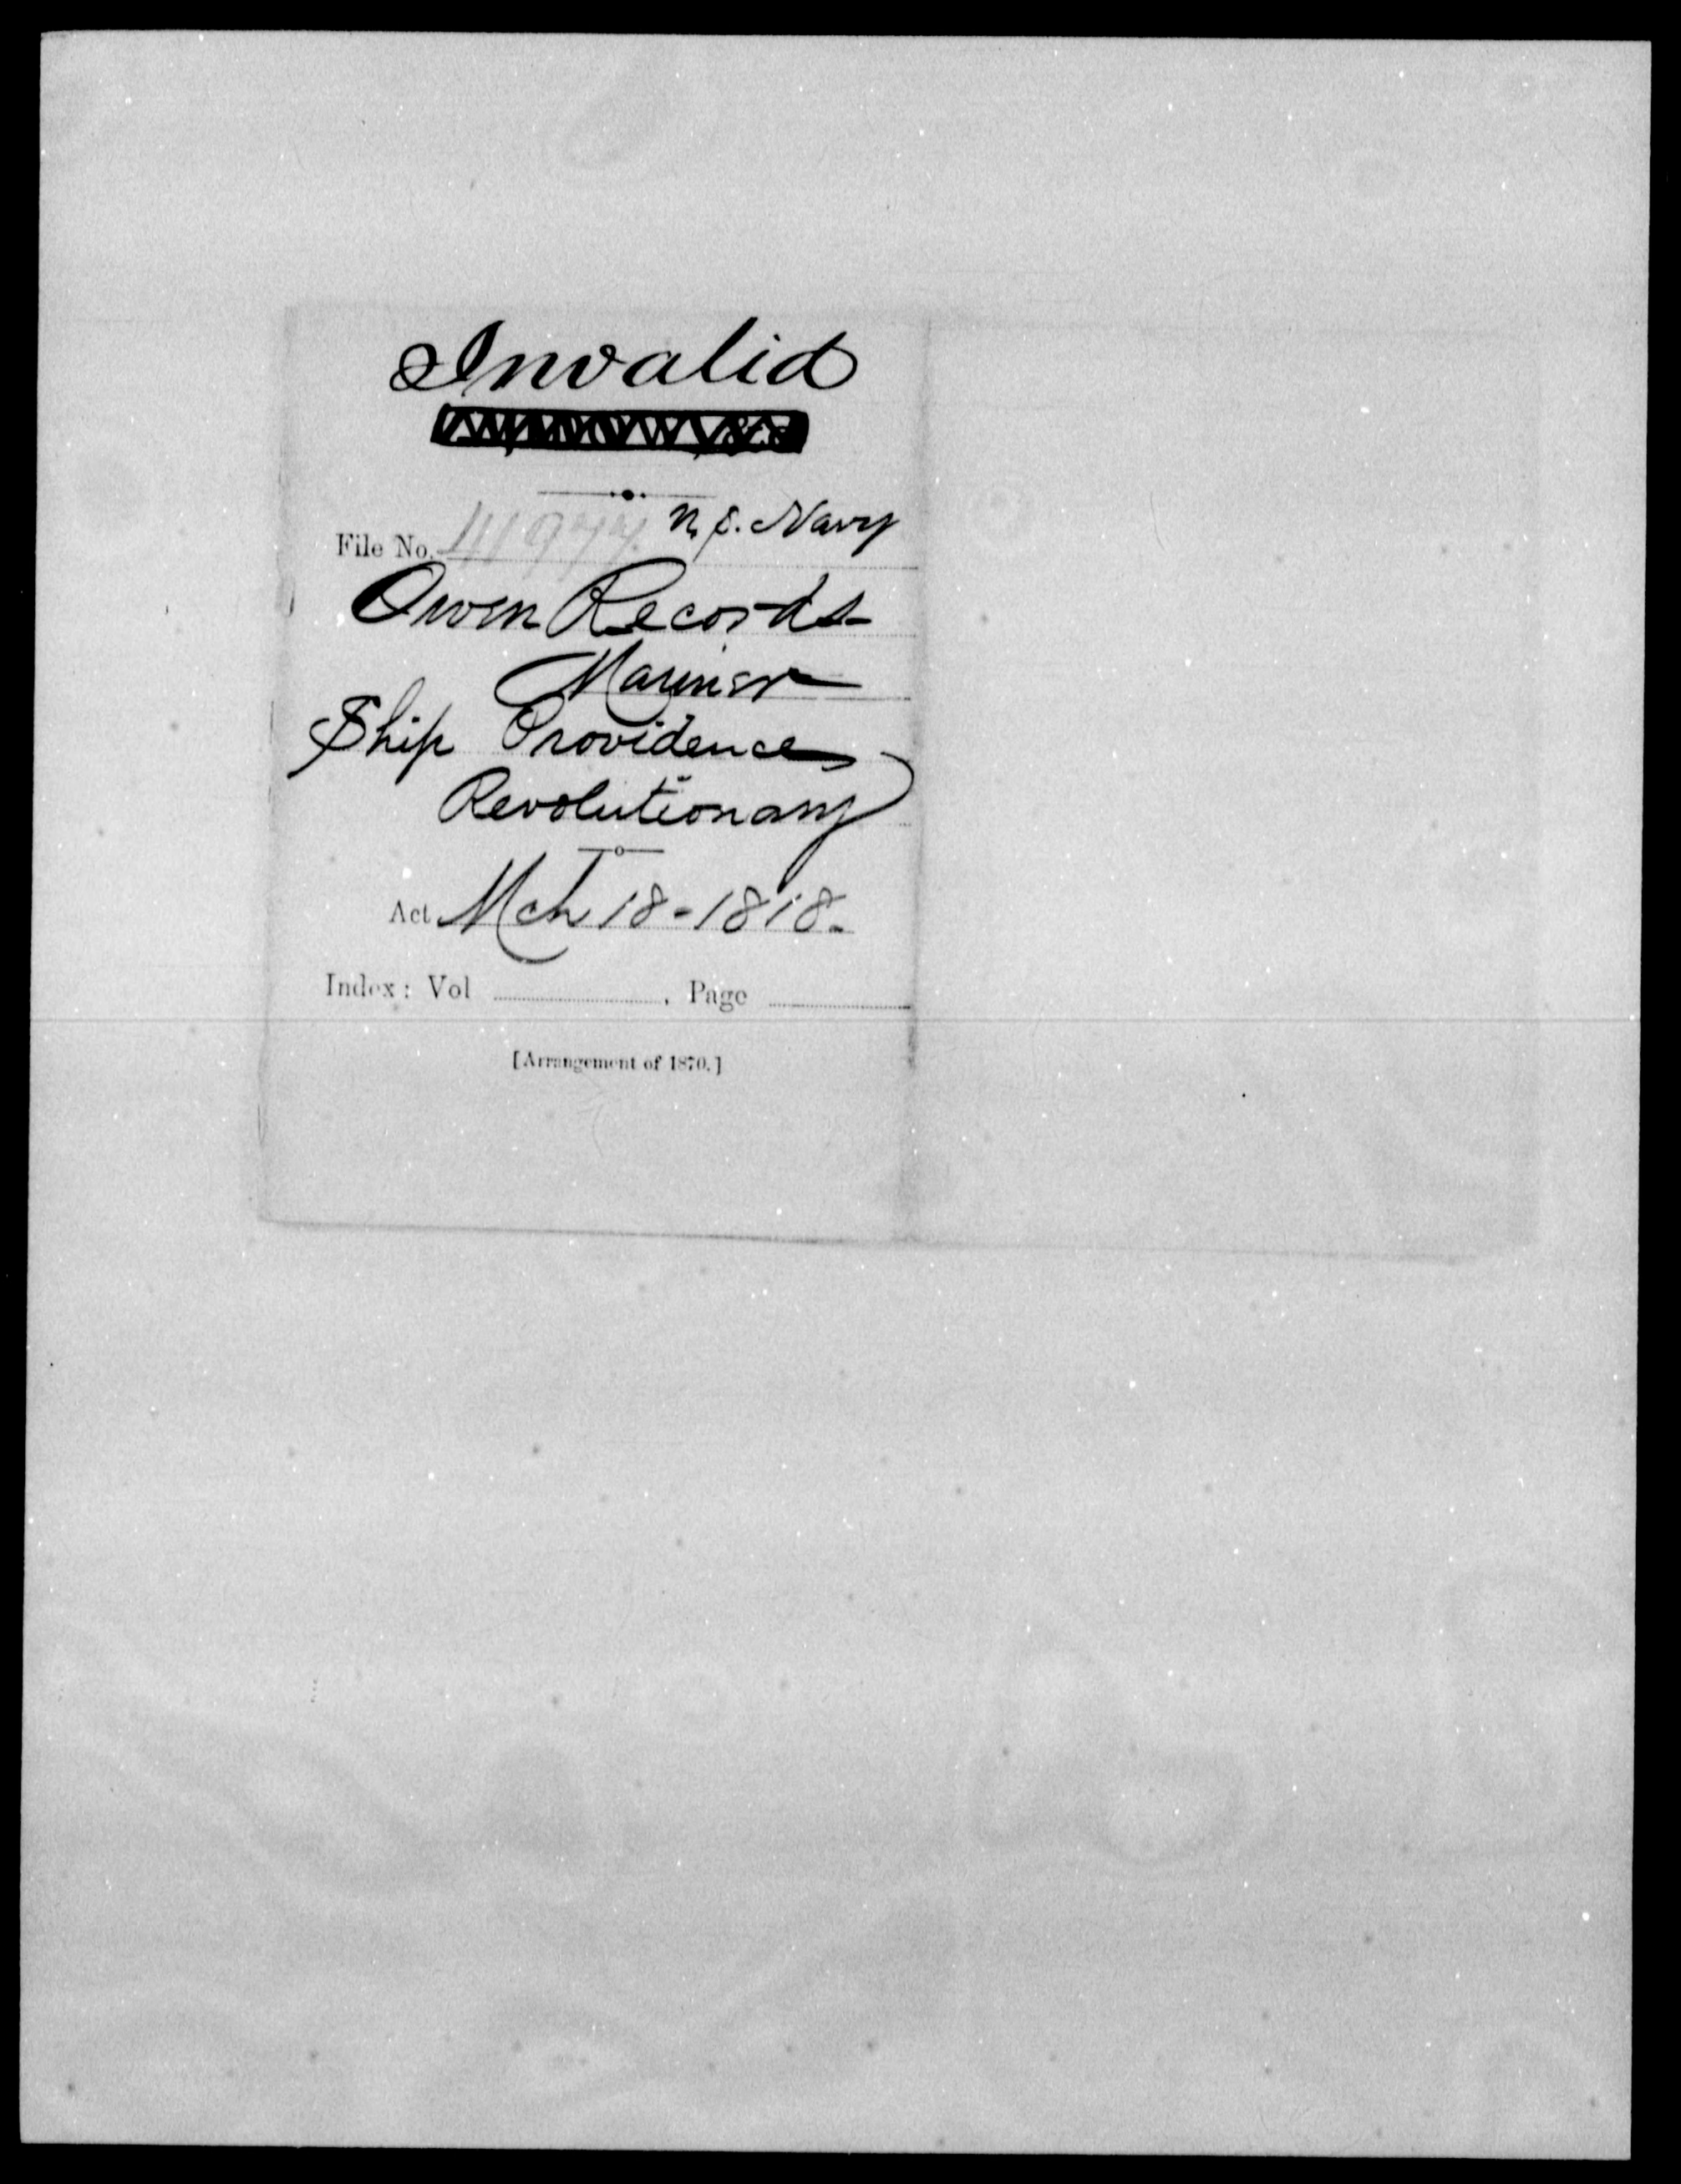Invalid
XXXXXXXXXXXX
File No. 41977 U.S. Navy
Owen Records
Mariner
Ship Providence
Revolutionary

Act Mch 18-1818-
Index: Vol______, Page _______
[Arrangement of 1870.]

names: Owen Records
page: 8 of 12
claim: survivor's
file: S. 41977, for Owen Records, Rhode Island